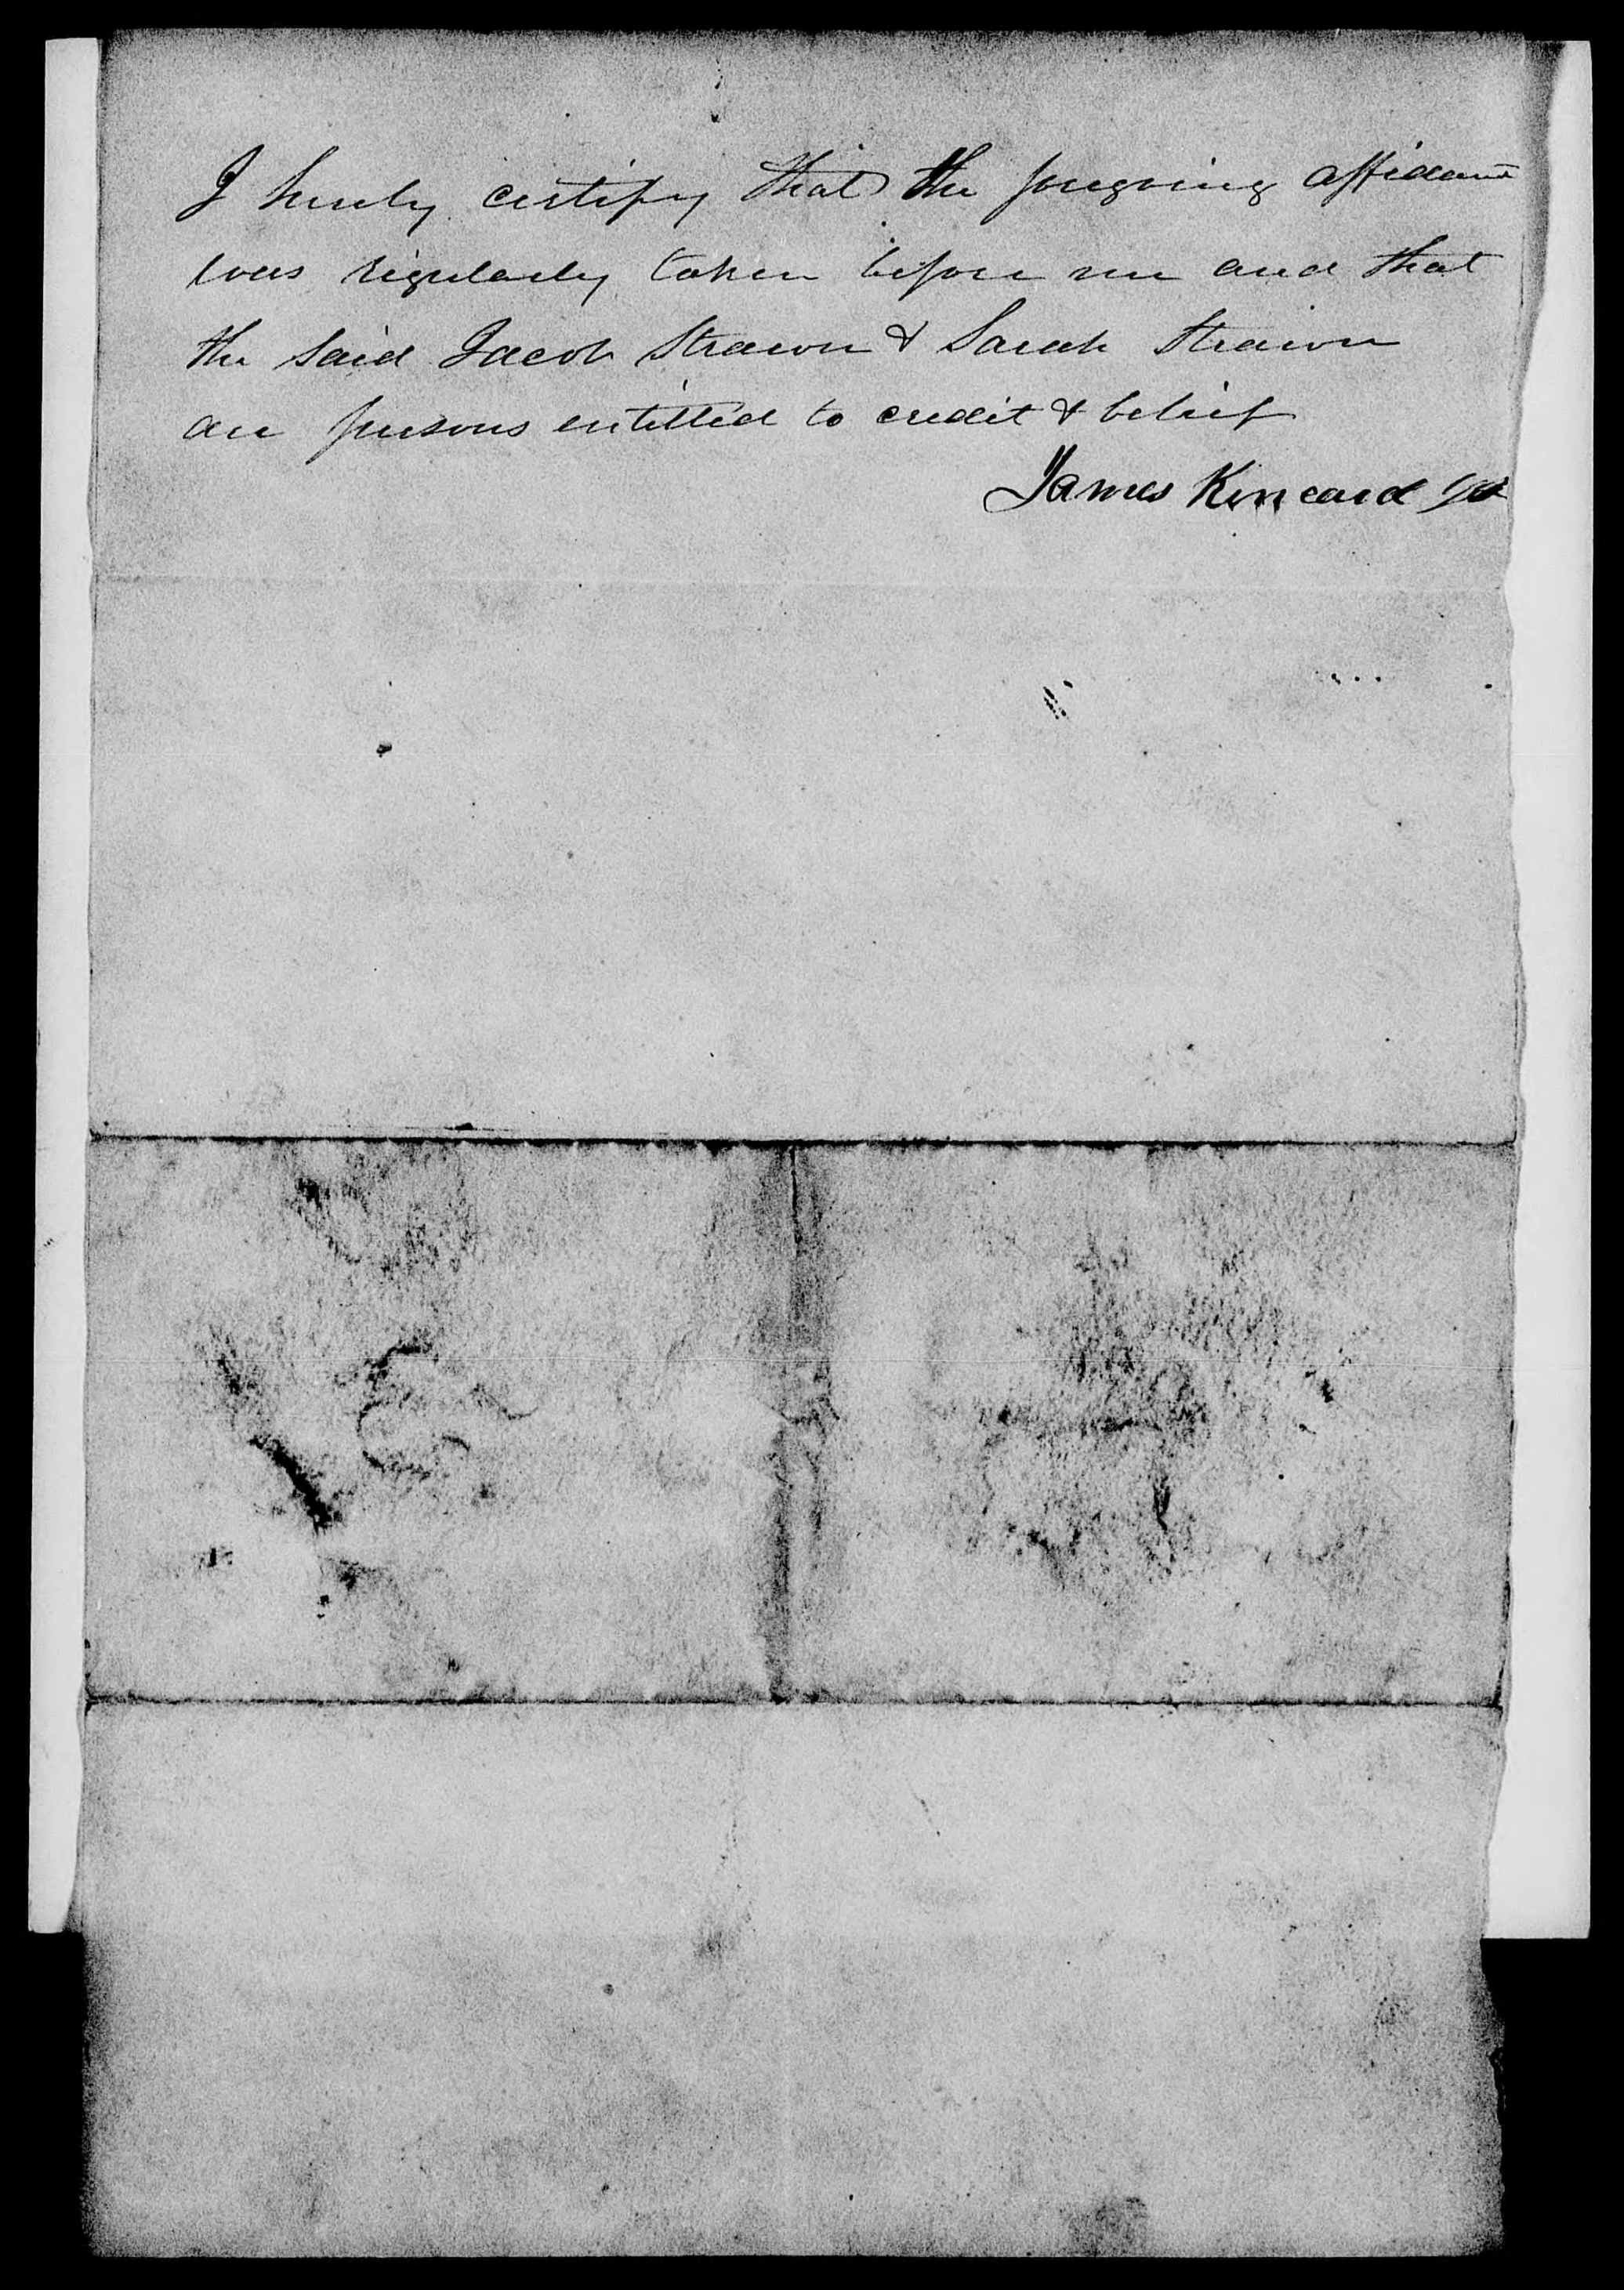I hereby certify that the foregoing affidav [truncated]
was regularly taken before me and that
the Said Jacob Strawn & Sarah Strawn
are persons entitled to credit & belief

James Kincaid [truncated]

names: James Kincard, Sarah Strawn, Jacob Strawn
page: 36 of 45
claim: widow's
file: W. 2734, Stephen Hetfield, New Jersey